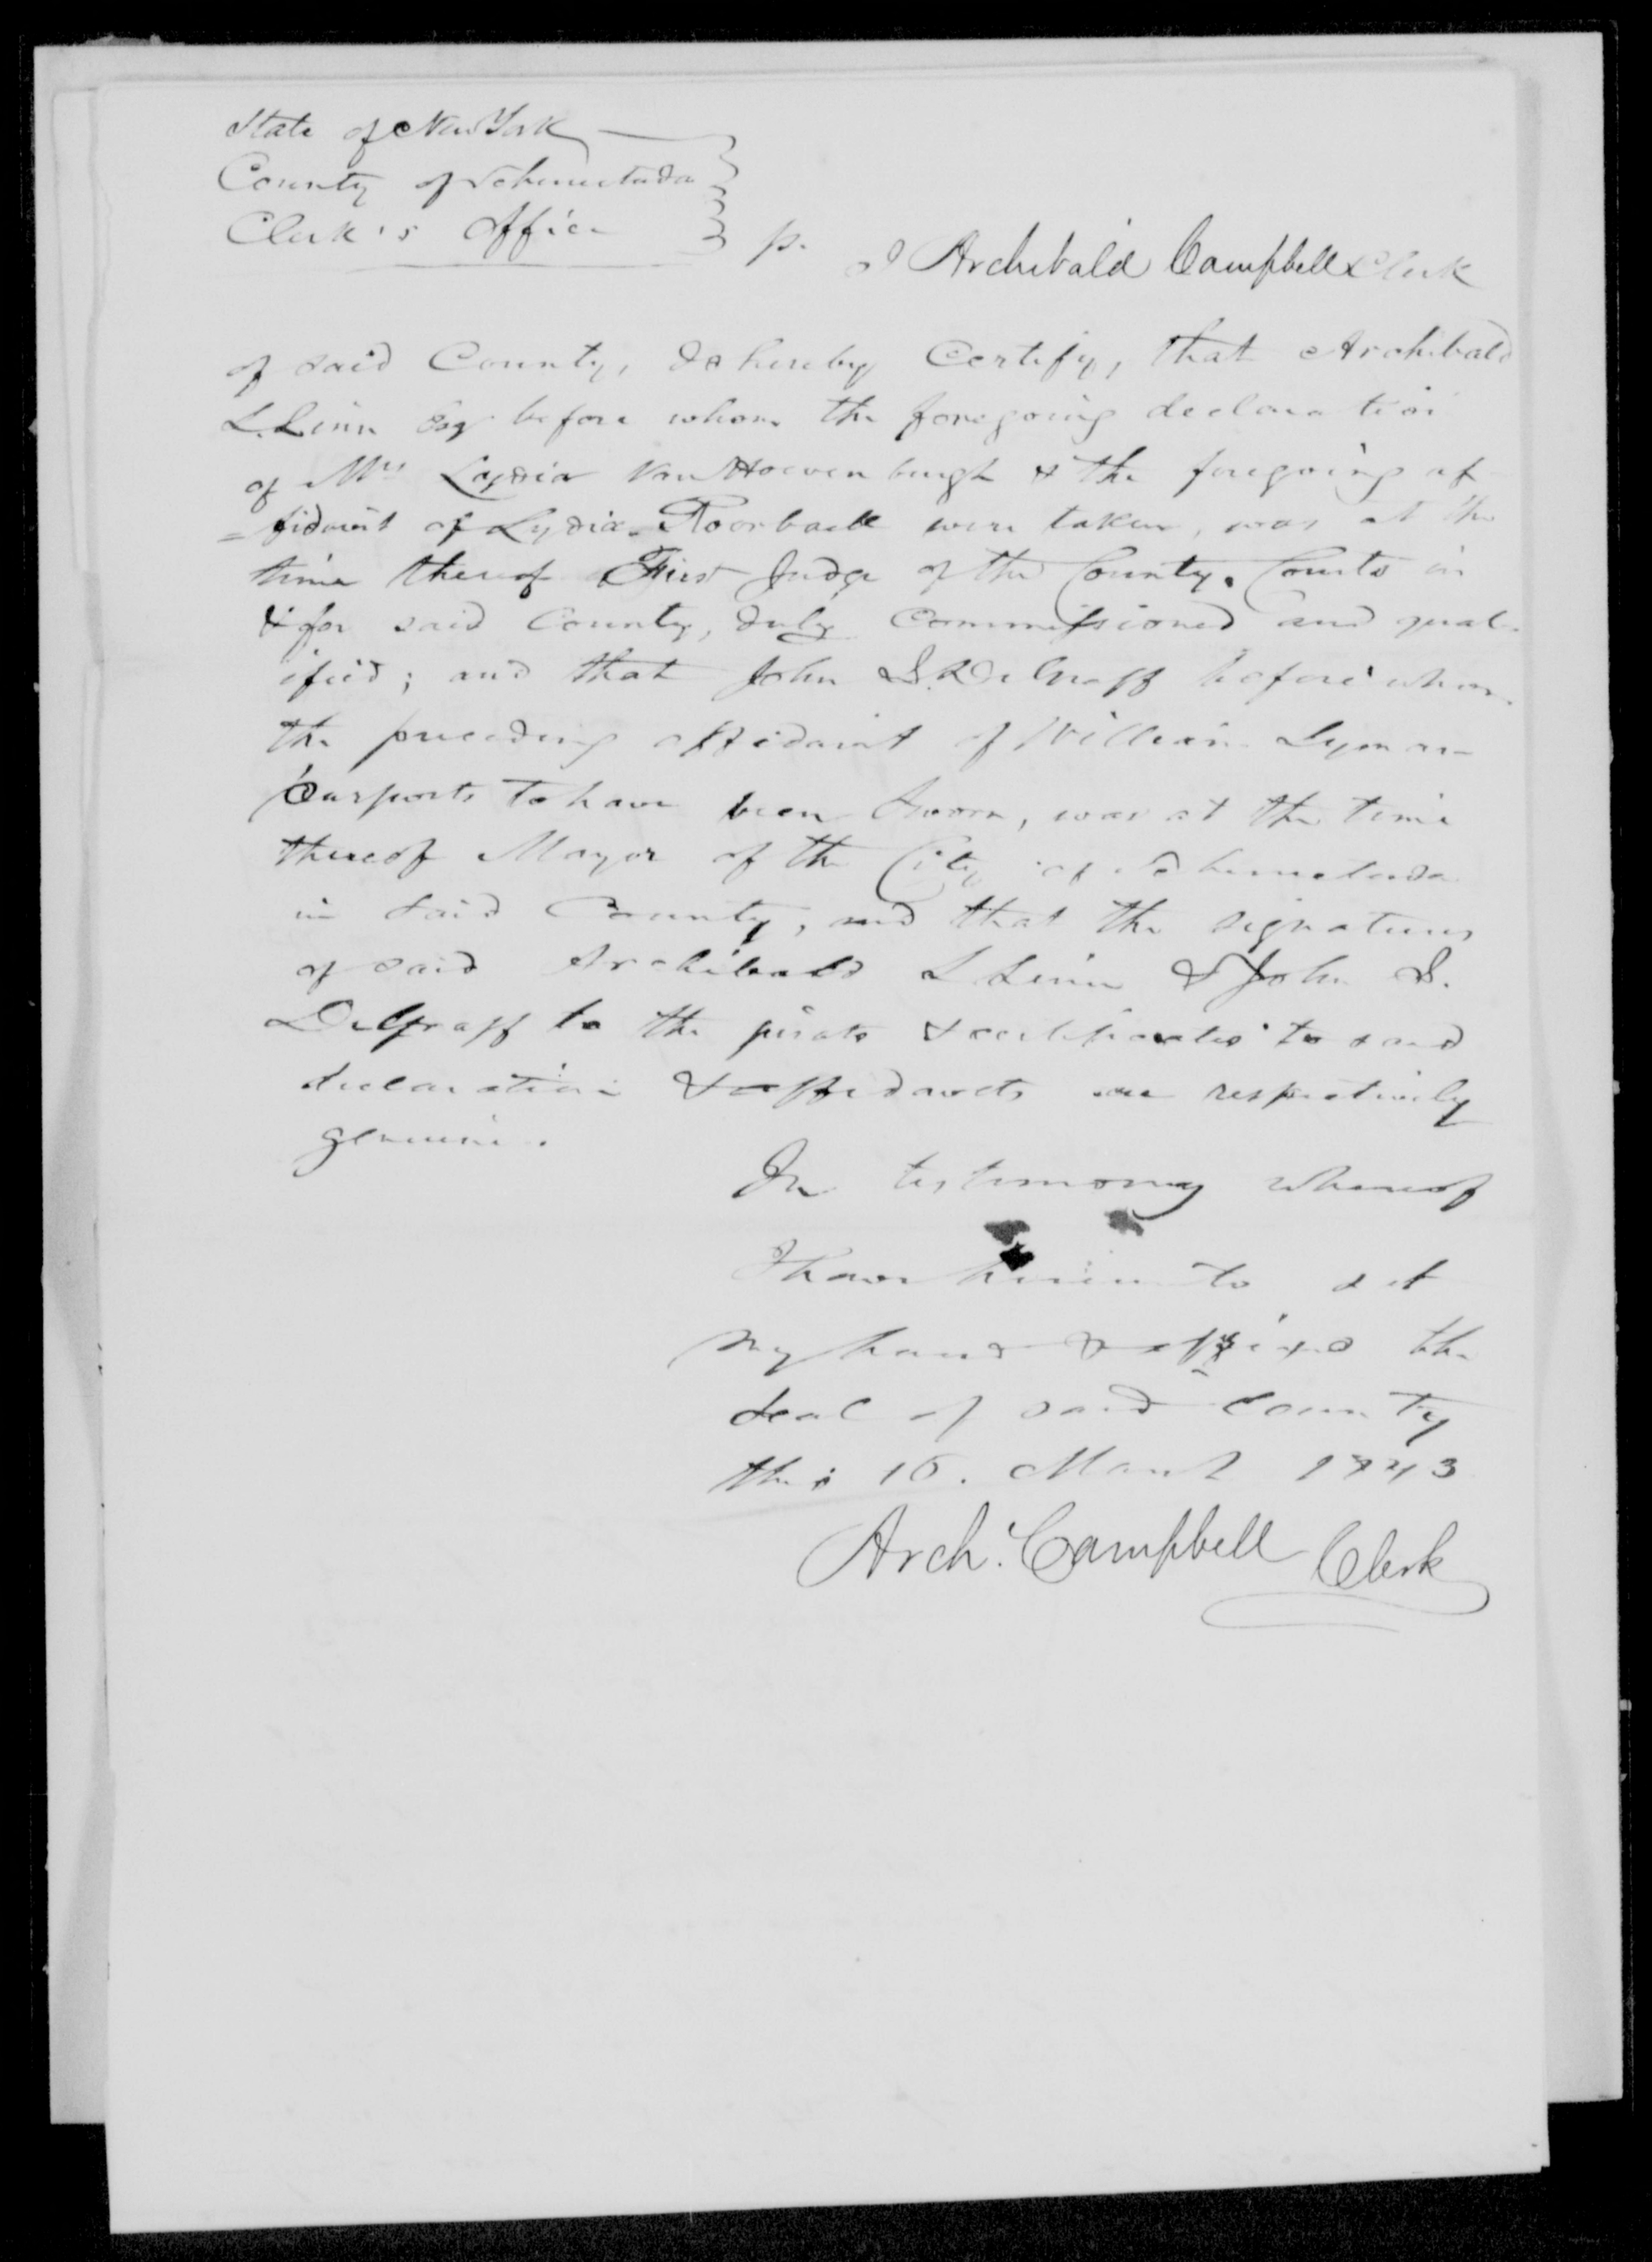State of New York-
County of Schenectada
Clerk's Office}
I Archibald Campbell Clerk of said County, do hereby certify that Archibald L. Linn Esq before whom the foregoing declaration of Mrs Lydia Van Howenburgh & the foregoing affidavit of Lydia Roorback were taken, made at the time thereof First Judge of the County Courts in & for said County, duly commissioned and qualified; and that John I. DeGraff before whom the preceding affidavit of William Lyman purports to have been sworn, was at the time thereof Mayor of the City of Schenctada in said County, and that the signatures of said Archibald S. Linn & John S. DeGraff to the {illegible] & certificates to said declaration & affidavits are respectively genuine.
In testimony whereof I have hereinto set my hand & affixed the Seal of said County
this 16. March 1773
Arch Campbell Clerk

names: John I De Graff, Archibald Campbell, Lydia Van Hoevenburgh, Archibald L Linn, John I De Graff, Lydia Roorback, Archibald L Linn, William Lyman, Arch Campbell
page: 38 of 38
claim: widow's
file: W. 23324, Rudolphus Van Hoevenbergh, New York